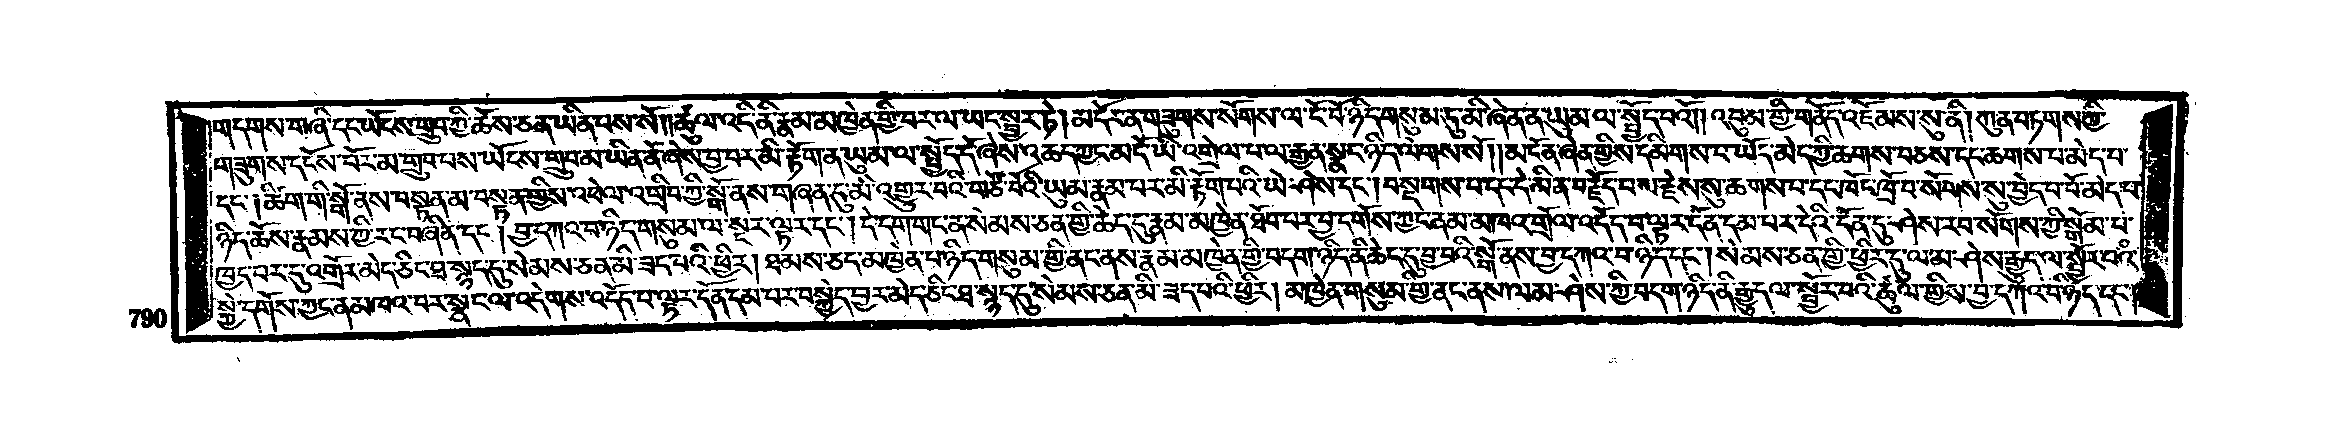གདགས་གཞི་དང་ཡོངས་གྲུབ་ཀྱི་ཆོས་ཅན་ཡིན་པས་སོ། །ཚུལ་འདི་ནི་རྣམ་མཁྱེན་གྱི་བར་ལ་ཡང་སྦྱར་ཏེ། མདོར་ན་གཟུགས་སོགས་ལ་ངོ་བོ་ཉིད་གསུམ་དུ་མི་ཞེན་ན་ཡུམ་ལ་སྤྱོད་པའོ། །འབུམ་གྱི་གནོད་འཇོམས་སུ་ནི། ཀུན་བཏགས་ཀྱི་
གཟུགས་དངོས་པོར་མ་གྲུབ་པས་ཡོངས་གྲུབ་མ་ཡིན་ནོ་ཞེས་བྱ་བར་མི་རྟོག་ན་ཡུམ་ལ་སྤྱོད་དོ་ཞེས་འཆད་ཀྱང་མདོ་ཡི་འགྲེལ་པ་ལ་རྒྱན་སྣང་ཉིད་ལེགས་སོ། །མངོན་ཞེན་གྱིས་དམིགས་པ་ཡོད་མེད་ཀྱི་ཆགས་བཅས་དང་ཆགས་པ་མེད་པ་
དང་། ཚིག་གི་སྒོ་ནས་བསྟན་མ་བསྟན་གྱིས་འཕེལ་འགྲིབ་ཀྱི་སྒོ་ནས་གཞན་དུ་མི་འགྱུར་བའི་གཙོ་བོའི་ཡུམ་རྣམ་པར་མི་རྟོག་པའི་ཡེ་ཤེས་དང་། བསྔགས་པ་དང་དེ་མིན་བརྗོད་པས་རྗེས་སུ་ཆགས་པ་དང་ཁོང་ཁྲོ་བ་སོགས་སུ་བྱེད་པ་པོ་མེད་པ་
ཉིད་ཆོས་རྣམས་ཀྱི་རང་བཞིན་དང་། བྱ་དཀའ་བ་ཉིད་གསུམ་ལ་སྔར་ལྟར་དང་། དེ་དག་གང་ན་སེམས་ཅན་གྱི་ཆེད་དུ་རྣམ་མཁྱེན་ཐོབ་པར་བྱ་དགོས་ཀྱང་ནམ་མཁའ་གྲོལ་འདོད་པ་ལྟར་དོན་དམ་པར་དེའི་དོན་དུ་ཤེས་རབ་སོགས་ཀྱི་སྒོམ་པ་
ཁྱད་པར་དུ་འགྲོར་མེད་ཅིང་ཐ་སྙད་དུ་སེམས་ཅན་མི་ཟད་པའི་ཕྱིར། ཐམས་ཅད་མཁྱེན་པ་ཉིད་གསུམ་གྱི་ནང་ནས་རྣམ་མཁྱེན་གྱི་བདག་ཉིད་ནི་ཆེད་དུ་བྱ་བའི་སྒོ་ནས་བྱ་དཀའ་བ་ཉིད་དང་། སེམས་ཅན་གྱི་ཕྱིར་དུ་ལམ་ཤེས་རྒྱུད་ལ་སྦྱོར་བའི་
སྐྱེ་དགོས་ཀྱང་ནམ་མཁའ་བར་སྣང་ལ་འདེགས་འདོད་པ་ལྟར་དོན་དམ་པར་བསྐྱེད་བྱར་མེད་ཅིང་ཐ་སྙད་དུ་སེམས་ཅན་མི་ཟད་པའི་ཕྱིར། མཁྱེན་གསུམ་གྱི་ནང་ནས་ལམ་ཤེས་ཀྱི་བདག་ཉིད་ནི་རྒྱུད་ལ་སྦྱོར་བའི་ཚུལ་གྱིས་བྱ་དཀའ་བ་ཉིད་དང་།